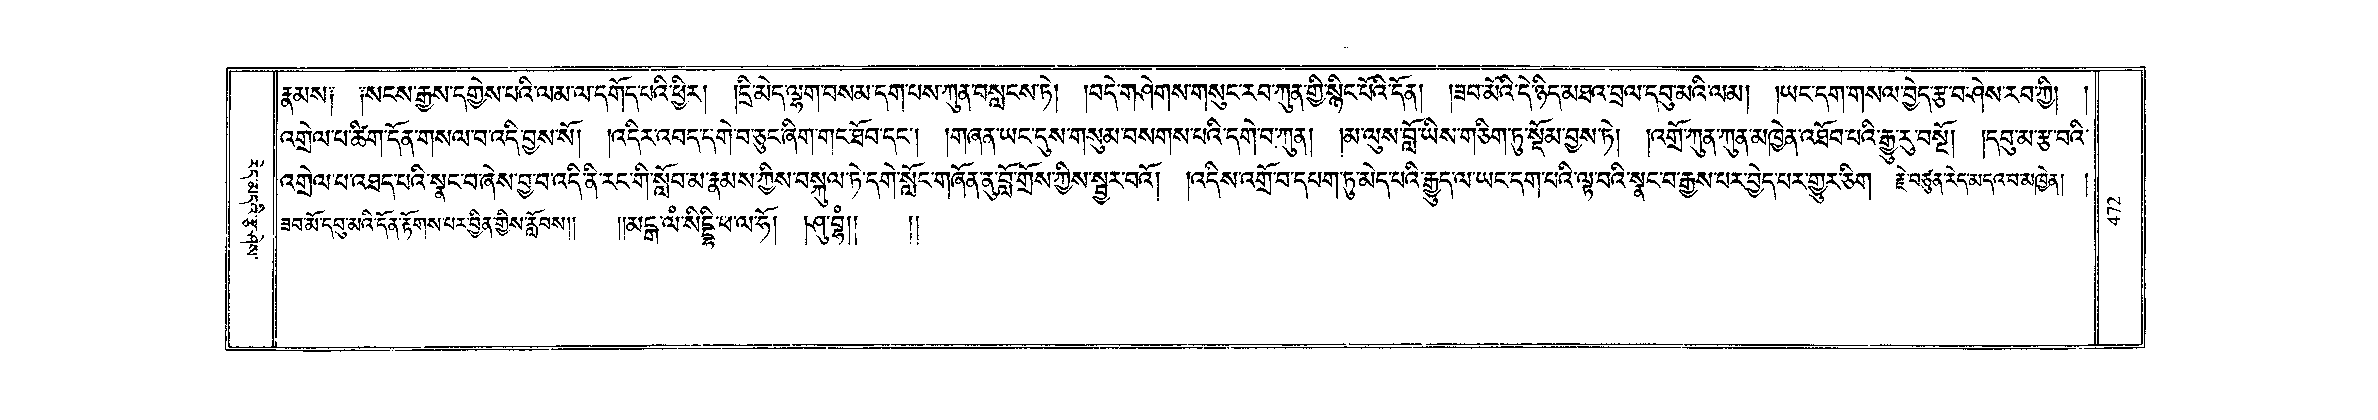རྣམས༑ ༑སངས་རྒྱས་དགྱེས་པའི་ལམ་ལ་དགོད་པའི་ཕྱིར། །དྲི་མེད་ལྷག་བསམ་དག་པས་ཀུན་བསླངས་ཏེ། །བདེ་གཤེགས་གསུང་རབ་ཀུན་གྱི་སྙིང་པོའི་དོན། །ཟབ་མོའི་དེ་ཉིད་མཐའ་བྲལ་དབུ་མའི་ལམ། །ཡང་དག་གསལ་བྱེད་རྩ་བ་ཤེས་རབ་ཀྱི། །
འགྲེལ་པ་ཚིག་དོན་གསལ་བ་འདི་བྱས་སོ། །འདིར་འབད་དགེ་བ་ཅུང་ཞིག་གང་ཐོབ་དང་། །གཞན་ཡང་དུས་གསུམ་བསགས་པའི་དགེ་བ་ཀུན། །མ་ལུས་བློ་ཡིས་གཅིག་ཏུ་སྡོམ་བྱས་ཏེ། །འགྲོ་ཀུན་ཀུན་མཁྱེན་འཐོབ་པའི་རྒྱུ་རུ་བསྔོ། །དབུ་མ་རྩ་བའི་
འགྲེལ་པ་འཐད་པའི་སྣང་བ་ཞེས་བྱ་བ་འདི་ནི་རང་གི་སློབ་མ་རྣམས་ཀྱིས་བསྐུལ་ཏེ་དགེ་སློང་གཞོན་ནུ་བློ་གྲོས་ཀྱིས་སྦྱར་བའོ། །འདིས་འགྲོ་བ་དཔག་ཏུ་མེད་པའི་རྒྱུད་ལ་ཡང་དག་པའི་ལྟ་བའི་སྣང་བ་རྒྱས་པར་བྱེད་པར་གྱུར་ཅིག་རྗེ་བཙུན་རེད་མདའ་བ་མཁྱེན། །
ཟབ་མོ་དབུ་མའི་དོན་རྟོགས་པར་བྱིན་གྱིས་རློབས།། །།མངྒ་ལཾ་སིདྡྷི་ཕ་ལ་ཧོ། །ཤུ་བྷཾ།། །།